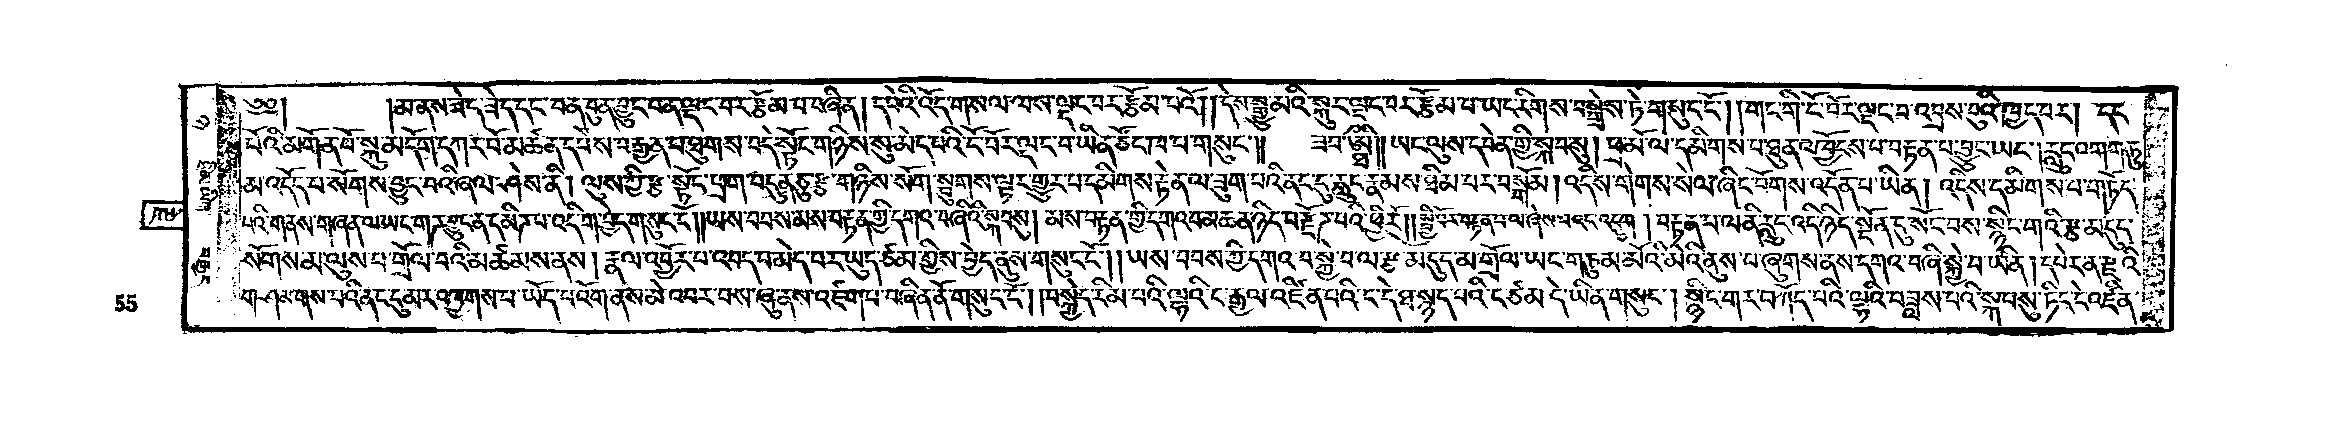༄༅། །མ་ནས་ཟེད་ཟེད་དང་བན་བུན་བྱུང་བ་ན་ལྡང་བར་རྩོམ་པ་བཞིན། དཔེའི་འོད་གསལ་ལས་ལྡང་བར་རྩོམ་པའོ། །དེས་སྒྱུ་མའི་སྐུར་ལྡང་བར་རྩོམ་པ་ཡང་རིགས་བསྒྲེས་ཏེ་གསུང་ངོ། །གང་གི་ངོ་བོར་ལྡང་བ་འབྲས་བུའི་ཁྱད་པར། དང་
པོའི་མགོན་པོ་སྐུ་མདོག་དཀར་པོ་མཚན་དཔེས་བརྒྱན་པ་ཐུགས་བདེ་སྟོང་གཉིས་སུ་མེད་པའི་ངོ་བོར་ལྡང་བ་ཡིན་ཙོང་ཁ་པ་གསུང་། །ཟབ་ཨཐི། །ཡང་ལུས་དབེན་གྱི་སྐབས་སུ། ཕྲ་མོ་ལ་དམིགས་པ་ཐུན་འཁྱོངས་པ་བརྟན་པ་བྱུང་ཡང་། རླུང་འགག་ཏུ་
མ་འདོད་པ་སོགས་བྱུང་བའི་ཞལ་ཤེས་ནི། ལུས་ཀྱི་རྩ་སྟོང་ཕྲག་བདུན་ཅུ་རྩ་གཉིས་སོག་སྦུགས་ལྟར་གྱུར་པ་དམིགས་རྟེན་ལ་ཟུག་པའི་ནང་དུ་རླུང་རྣམས་ཐིམ་པར་བསྒོམ། འདིས་གེགས་སེལ་ཞིང་བོགས་འདོན་པ་ཡིན། འདིས་དམིགས་པ་གཏོད་
པའི་གནས་གཞན་ལ་ཡང་གགས་བྱུང་ན་དམིགས་པ་འདི་ག་བྱེད་གསུང་ངོ། །ཡས་བབས་མས་བརྟན་གྱི་དགའ་བཞིའི་སྐབས་སུ། མས་བརྟན་གྱི་དགའ་བ་མཚན་ཉིད་པ་རྫོགས་པའི་ཕྱིར་རོ། །སྤྱི་བོར་བརྟན་པ་ལ་ཞེས་པའང་འདུག །བརྟན་པ་ལ་ནི་རླུང་འདི་ཉིད་སྔོན་དུ་སོང་བས་སྙིང་གའི་རྩ་མདུད་
སོགས་མ་ལུས་པ་གྲོལ་བའི་མཚམས་ནས། རྣལ་འབྱོར་པ་འབད་པ་མེད་པར་ཡུད་ཙམ་གྱིས་བྱེད་ནུས་གསུང་ངོ། །ཡས་བབས་ཀྱི་དགའ་བ་སྐྱེ་བ་ལ་རྩ་མདུད་མ་གྲོལ་ཡང་གཏུམ་མོའི་མེའི་ནུས་པ་ཞུགས་ནས་དགའ་བཞི་སྐྱེ་བ་ཡིན། དཔེར་ན་རྫའི་
གཤམ་གས་པའི་ནང་དུ་མར་འཁྱགས་པ་ཡོད་པ་འོག་ནས་མེ་འབར་བས་ཞུ་ནས་འཛག་པ་བཞིན་ནོ་གསུང་ངོ། །བསྐྱེད་རིམ་པའི་ལྷའི་ང་རྒྱལ་འཛིན་པའི་ང་དེ་ཐ་སྙད་པའི་ང་ཙམ་དེ་ཡིན་གསུང་། སྙིང་གར་བཀོད་པའི་ལྷའི་བཟླས་པའི་སྐབས་སུ་ཏིང་ངེ་འཛིན་